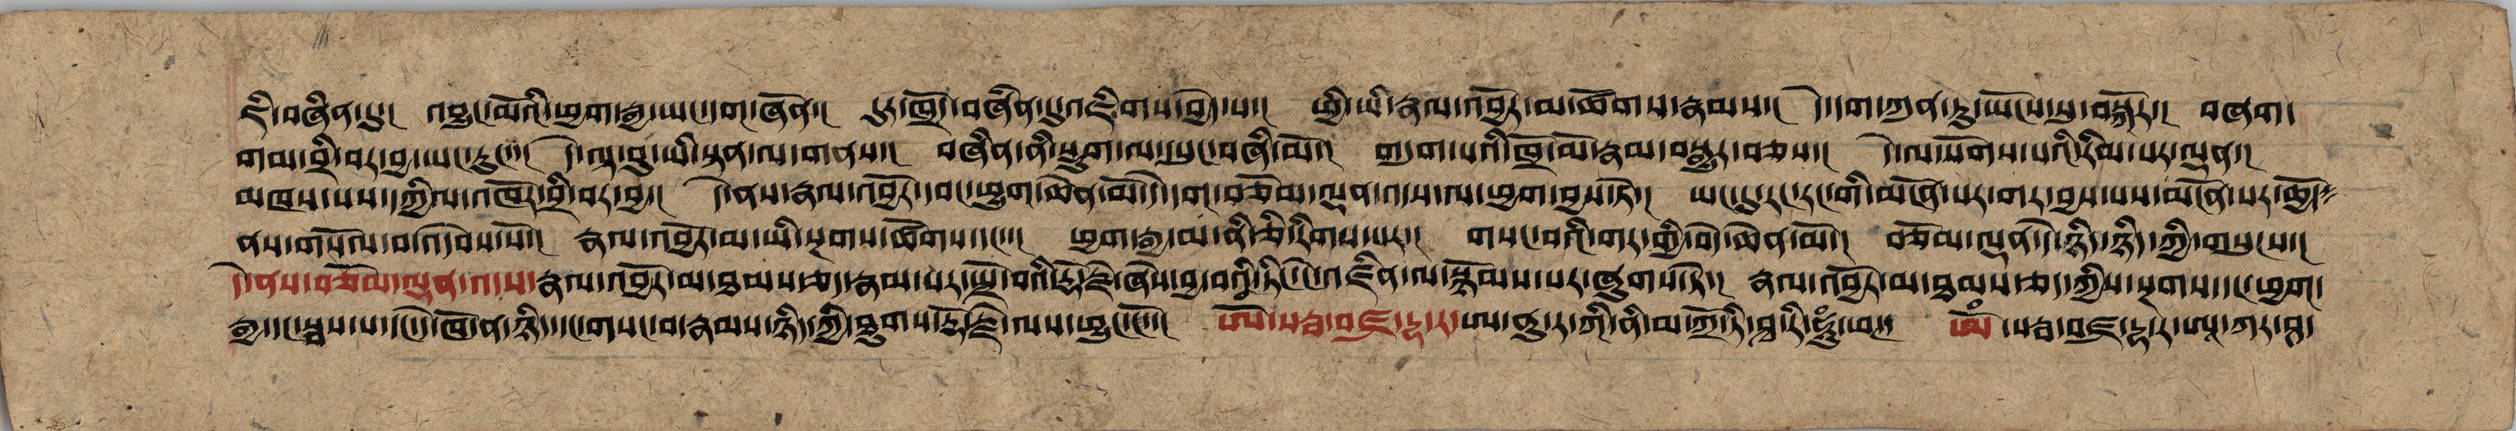ཇི་བཞིན་དུ་། འབྱུང་མོའི་ཕྱག་རྒྱ་ཡང་དག་ཞོན་། དུར་ཁྲོད་བཞིན་དུ་འཇིགས་བྱེད་པ་། ཕྱི་ཡི་རྣལ་འབྱོར་མ་ཚོགས་རྣམས་། དེ་དག་ཀུན་ཏུ་ཡོངས་སུ་བསྐོར་། བཞག་
གམ་བྲི་བར་བྱ་ཡང་རུང་་། དེ་ལྟ་བུ་ཡི་སྟན་ལ་གནས་། བཞིན་ནི་སྡུག་ལ་དཔུང་བཞི་མོ་། གདུག་པའི་ཁྲོ་མོ་རྣམ་བསྒྱུར་བཅས་། དེ་ལ་སོགས་པའི་རིམ་པར་ལྡན་།
མཁས་པས་དཀྱིལ་འཁོར་བྲི་བར་བྱ་། དེ་ནས་རྣལ་འབྱོར་དབང་ཕྱུག་ཆེན་མོ་དེ་དག་བཅོམ་ལྡན་འདས་ལ་ཕྱག་བྱས་ཏེ་། ཡང་དུ་རང་རང་གི་མངོན་པར་གར་བྱས་པས་མངོན་པར་ཆྱོད་
ནས་གསོལ་བ་འདེབས་སོ་། རྣལ་འབྱོར་མ་ཡི་སྔགས་ཚོགས་དང་་། ཕྱག་རྒྱ་མ་ནི་ཅི་རིགས་པར་། གསང་བའི་གར་གྱི་བདེ་ཆེན་མོ་། བཅོམ་ལྡ་དེ་ཉིད་ཉིད་ཀྱི་གསུངས་།
དེ་ནས་བཅོམ་ལྡན་འདས་རྣལ་འབྱོར་མ་ཐམས་ཅད་རྣམ་པར་སྤྲོ་བའི་རྡོ་རྗེ་ཞེས་བྱ་བའི་ཏིང་ངེ་འཛིན་ལ་སྙོམས་པར་ཞུགས་ཏེ་། རྣལ་འབྱོར་མ་ཐམས་ཅད་ཀྱིས་སྔགས་དང་ཕྱག་
རྒྱ་དང་སྦས་པ་དང་དེ་ཁོ་ན་ཉིད་དང་གསང་བ་རྣམས་ཉིད་ཀྱི་ཐུགས་རྡོ་རྗེ་ལས་ཕྱུང་ངོ་་། ཨོ་སརྦ་བཛྲ་དྷ་ར་ཨ་ནུ་ར་ཀི་ནི་མ་ཀྲོ་ཏི་ཤྭ་རི་ཧཱུཾ་ཕཊ་ ཨོཾ་སརྦ་བཛྲ་དྷ་ར་ཨཱ་ཀར་ཤ་